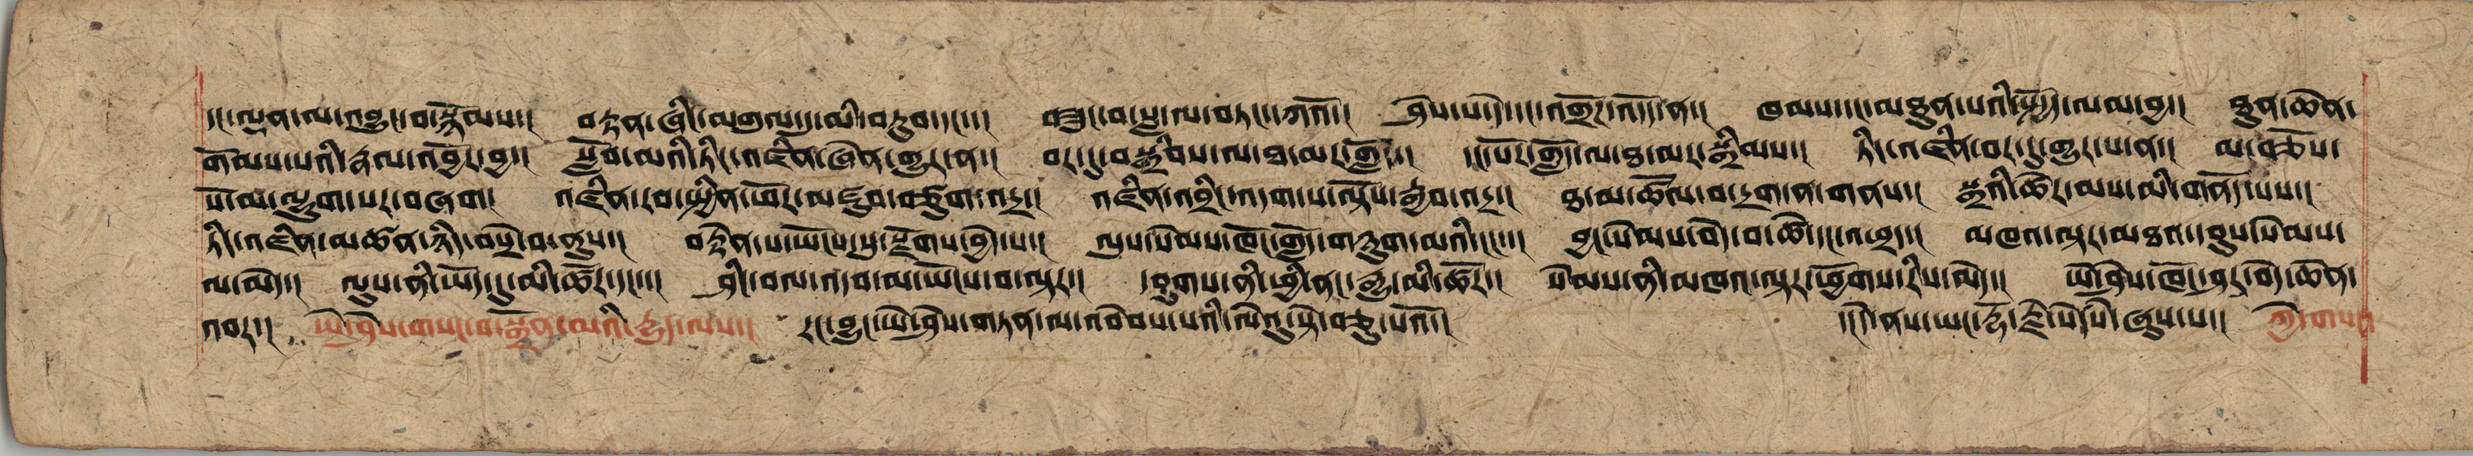དང་ལྡན་ལ་འབྱུང་བ་སྙོམས་། བརྟན་ཞིང་མགུལ་དུ་མི་བཏུབ་དང་་། བཟུང་བ་སླ་ལ་བཏང་དཀའོ་། ཤེས་པ་དེ་དང་འགྲོཌ་འདོད་ན་། ཁམས་དང་མཐུན་པའི་སྤྱོད་ལམ་བྱ་། ཐུན་ཆེན་
གོམས་པའི་རྣལ་འབྱོར་བྱ་། སློབ་མའི་ཏིང་འཛིན་ཞེན་གྱུར་ན་། བར་དུ་བསྒྲིབས་ལ་ཐ་མར་གློད་། དང་པོར་གློད་ལ་ཐ་མར་སྒྲིམས་། ཏིང་འཛིན་བར་དུ་གྱུར་པ་ན་། མ་བཅོས་
སོ་མ་ལྷུག་པར་བཞག། འཛིན་རབ་སྤྱིན་ཕོར་མཛུབ་བཙུག་འདྲ་། འཛིན་འབྲིང་འདག་པ་ལྟོས་རྒྱབ་འདྲ་། ཐ་མ་ཚོལ་བ་དྲག་ན་གནས་། སྒྲའི་ཚེར་མས་མི་གནོད་པས་།
ཏིང་འཛིན་མཚན་ཉིད་བསྲེ་བ་ནུས་། བརྟེན་པ་ཡོངས་སུ་སྫོགས་བྱེད་པ་། ལུས་སེམས་ཁོང་གློད་གཉུག་མའི་ངང་་། བྱང་སེམས་བདེ་བ་ཚེ་དང་འཕྲད་། མཁའ་ལྟར་མཐའ་དབུས་སེམས་
ལ་མེད་། ལུས་ནི་ཡོད་དུ་མི་ཚོར་དང་་། ཤིང་བལ་འདབ་མ་ཡོངས་བ་ལྟར་། དབུགས་ནི་ཕྱི་ནང་རྒྱུ་མི་ཚོར་། སེམས་ནི་མཁའ་ལྟར་ཕྱོགས་རིས་མེད་། ཡེ་ཤེས་ཁོང་ཤར་བདེ་ཆེན་
འབར་། ཡེ་ཤེས་གསང་བ་སྒྲོན་མའི་དྱུད་ལས་། རང་བྱུང་ཡེ་ཤེས་གཏན་ལ་འབེབས་པའི་ལེའུ་སྟེ་བཅུ་པའོ་།